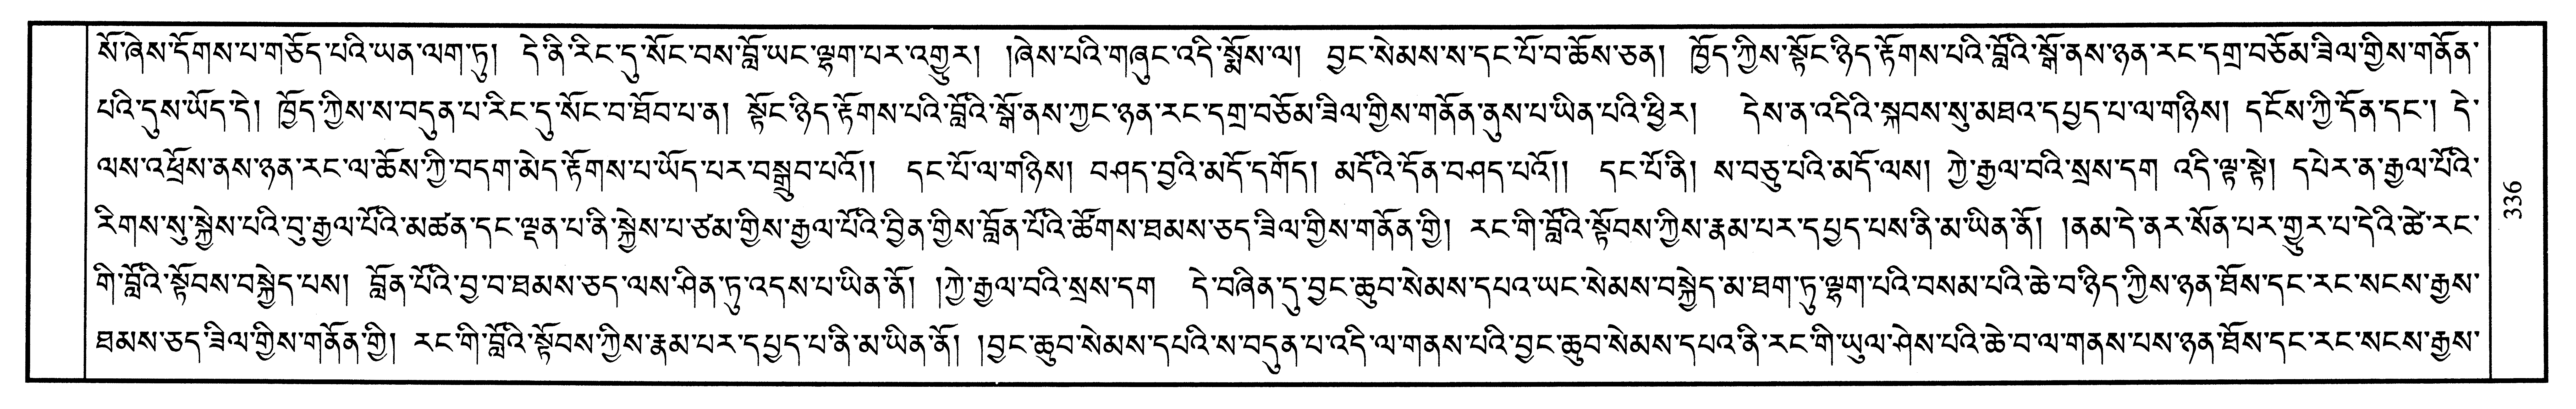སོ་ཞེས་དོགས་པ་གཅོད་པའི་ཡན་ལག་ཏུ། དེ་ནི་རིང་དུ་སོང་བས་བློ་ཡང་ལྷག་པར་འགྱུར། །ཞེས་པའི་གཞུང་འདི་སྨོས་ལ། བྱང་སེམས་ས་དང་པོ་བ་ཆོས་ཅན། ཁྱོད་ཀྱིས་སྟོང་ཉིད་རྟོགས་པའི་བློའི་སྒོ་ནས་ཉན་རང་དགྲ་བཅོམ་ཟིལ་གྱིས་གནོན་
པའི་དུས་ཡོད་དེ། ཁྱོད་ཀྱིས་ས་བདུན་པ་རིང་དུ་སོང་བ་ཐོབ་པ་ན། སྟོང་ཉིད་རྟོགས་པའི་བློའི་སྒོ་ནས་ཀྱང་ཉན་རང་དགྲ་བཅོམ་ཟིལ་གྱིས་གནོན་ནུས་པ་ཡིན་པའི་ཕྱིར། དེས་ན་འདིའི་སྐབས་སུ་མཐའ་དཔྱད་པ་ལ་གཉིས། དངོས་ཀྱི་དོན་དང་། དེ་
ལས་འཕྲོས་ནས་ཉན་རང་ལ་ཆོས་ཀྱི་བདག་མེད་རྟོགས་པ་ཡོད་པར་བསྒྲུབ་པའོ།། དང་པོ་ལ་གཉིས། བཤད་བྱའི་མདོ་དགོད། མདོའི་དོན་བཤད་པའོ།། དང་པོ་ནི། ས་བཅུ་པའི་མདོ་ལས། ཀྱེ་རྒྱལ་བའི་སྲས་དག་འདི་ལྟ་སྟེ། དཔེར་ན་རྒྱལ་པོའི་
རིགས་སུ་སྐྱེས་པའི་བུ་རྒྱལ་པོའི་མཚན་དང་ལྡན་པ་ནི་སྐྱེས་པ་ཙམ་གྱིས་རྒྱལ་པོའི་བྱིན་གྱིས་བློན་པོའི་ཚོགས་ཐམས་ཅད་ཟིལ་གྱིས་གནོན་གྱི། རང་གི་བློའི་སྟོབས་ཀྱིས་རྣམ་པར་དཔྱད་པས་ནི་མ་ཡིན་ནོ། །ནམ་དེ་ནར་སོན་པར་གྱུར་པ་དེའི་ཚེ་རང་
གི་བློའི་སྟོབས་བསྐྱེད་པས། བློན་པོའི་བྱ་བ་ཐམས་ཅད་ལས་ཤིན་ཏུ་འདས་པ་ཡིན་ནོ། །ཀྱེ་རྒྱལ་བའི་སྲས་དག །དེ་བཞིན་དུ་བྱང་ཆུབ་སེམས་དཔའ་ཡང་སེམས་བསྐྱེད་མ་ཐག་ཏུ་ལྷག་པའི་བསམ་པའི་ཆེ་བ་ཉིད་ཀྱིས་ཉན་ཐོས་དང་རང་སངས་རྒྱས་
ཐམས་ཅད་ཟིལ་གྱིས་གནོན་གྱི། རང་གི་བློའི་སྟོབས་ཀྱིས་རྣམ་པར་དཔྱད་པ་ནི་མ་ཡིན་ནོ། །བྱང་ཆུབ་སེམས་དཔའི་ས་བདུན་པ་འདི་ལ་གནས་པའི་བྱང་ཆུབ་སེམས་དཔའ་ནི་རང་གི་ཡུལ་ཤེས་པའི་ཆེ་བ་ལ་གནས་པས་ཉན་ཐོས་དང་རང་སངས་རྒྱས་